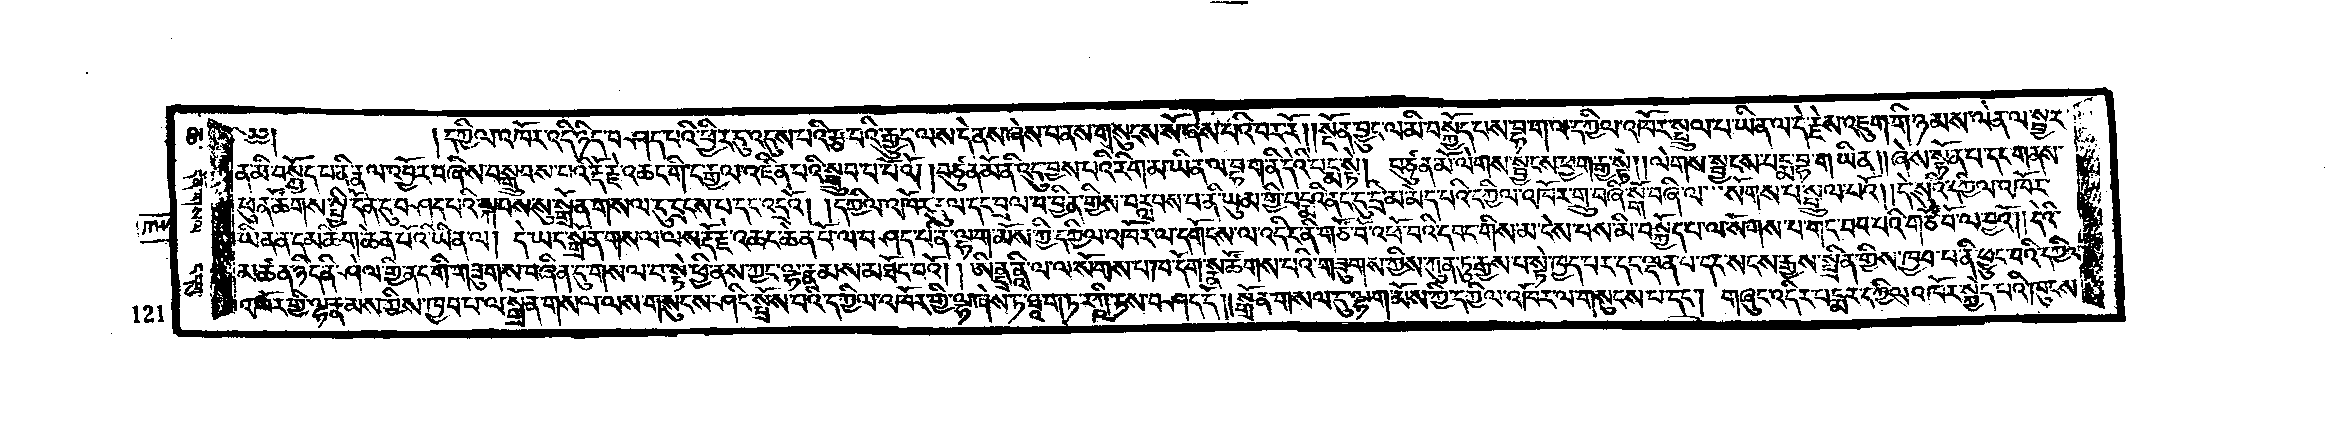༄༅། །དཀྱིལ་འཁོར་འདི་ཉིད་བཤད་པའི་ཕྱིར་དུ་འདུས་པའི་རྩ་བའི་རྒྱུད་ལས་དེ་ནས་ཞེས་པ་ནས་གསུངས་སོ་ཞེས་པའི་བར་རོ། །སྔོན་བྱུང་ལ་མི་བསྐྱོད་པས་བྷ་ག་ལ་དཀྱིལ་འཁོར་སྤྲུལ་པ་ཡིན་ལ་དེ་རྗེས་འཇུག་གི་ཉམས་ལེན་ལ་སྦྱར་
ན་མི་བསྐྱོད་པ་ནི་རྣལ་འབྱོར་བཞིས་བསྒྲུབས་པའི་རྡོ་རྗེ་འཆང་གི་ང་རྒྱལ་འཛིན་པའི་སྒྲུབ་པ་པོའོ། །བཙུན་མོ་ནི་འདུ་བྱས་པའི་རིག་མ་ཡིན་ལ་བྷ་ག་ནི་དེའི་པདམ་སྟེ། བཙུན་མོ་ལེགས་སྦྱངས་ཕྱག་རྒྱ་སྟེ། །ལེགས་སྦྱངས་པདམ་བྷ་ག་ཡིན། །ཞེས་སྟོན་པ་དང་གནས་
ཕུན་ཚོགས་སྤྱི་དོན་དུ་བཤད་པའི་སྐབས་སུ་སྒྲོན་གསལ་དུ་དྲངས་པ་དང་འདྲའོ། །དཀྱིལ་འཁོར་རྡུལ་དང་བྲལ་བ་བྱིན་གྱིས་བརླབས་པ་ནི་ཡུམ་གྱི་པདམའི་ནང་དུ་དྲི་མ་མེད་པའི་དཀྱིལ་འཁོར་གྲུ་བཞི་སྒོ་བཞི་ལ་སོགས་པ་སྤྲུལ་པའོ། །དེ་སུའི་དཀྱིལ་འཁོར་
ཡིན་ན་དམ་ཚིག་ཆེན་པོའི་ཡིན་ལ། དེ་ཡང་སྒྲོན་གསལ་ལས་རྡོ་རྗེ་འཆང་ཆེན་པོ་ལ་བཤད་པ་ནི་ལྷག་མོས་ཀྱི་དཀྱིལ་འཁོར་ལ་དགོངས་ལ་འདིར་ནི་གཙོ་བོ་འཕོ་བའི་དབང་གིས་མ་ངེས་པས་མི་བསྐྱོད་པ་ལ་སོགས་པ་གང་བབ་པའི་གཙོ་བོ་ལ་བྱའོ། །དེའི་
མཚན་ཉིད་ནི་ཤེལ་གྱི་ནང་གི་གཟུགས་བཞིན་དུ་གསལ་བ་སྟེ་ཕྱི་ནས་ཀྱང་ལྷ་རྣམས་མཐོང་བའོ། །ཨིནྡྲ་ནཱི་ལ་ལ་སོགས་པ་ཁ་དོག་སྣ་ཚོགས་པའི་གཟུགས་ཀྱིས་ཀུན་ཏུ་རྒྱས་པ་སྟེ་ཁྱད་པར་དང་ལྡན་པ་དང་སངས་རྒྱས་སྤྲིན་གྱིས་ཁྱབ་པ་ནི་ཕྱུང་བའི་དཀྱིལ་
འཁོར་གྱི་ལྷ་རྣམས་ཀྱིས་ཁྱབ་པ་ལ་སྒྲོན་གསལ་ལས་གསུངས་ཤིང་སྤྲོས་པའི་དཀྱིལ་འཁོར་གྱི་ལྷ་ཞེས་ཏ་ཐཱ་ག་ཏ་ར་ཀྵི་ཏས་བཤད་དོ། །སྒྲོན་གསལ་དུ་ལྷག་མོས་ཀྱི་དཀྱིལ་འཁོར་ལ་གསུངས་པ་དང་། གཞུང་འདིར་པད་མར་དཀྱིལ་འཁོར་སྐྱེད་པའི་ཁུངས་